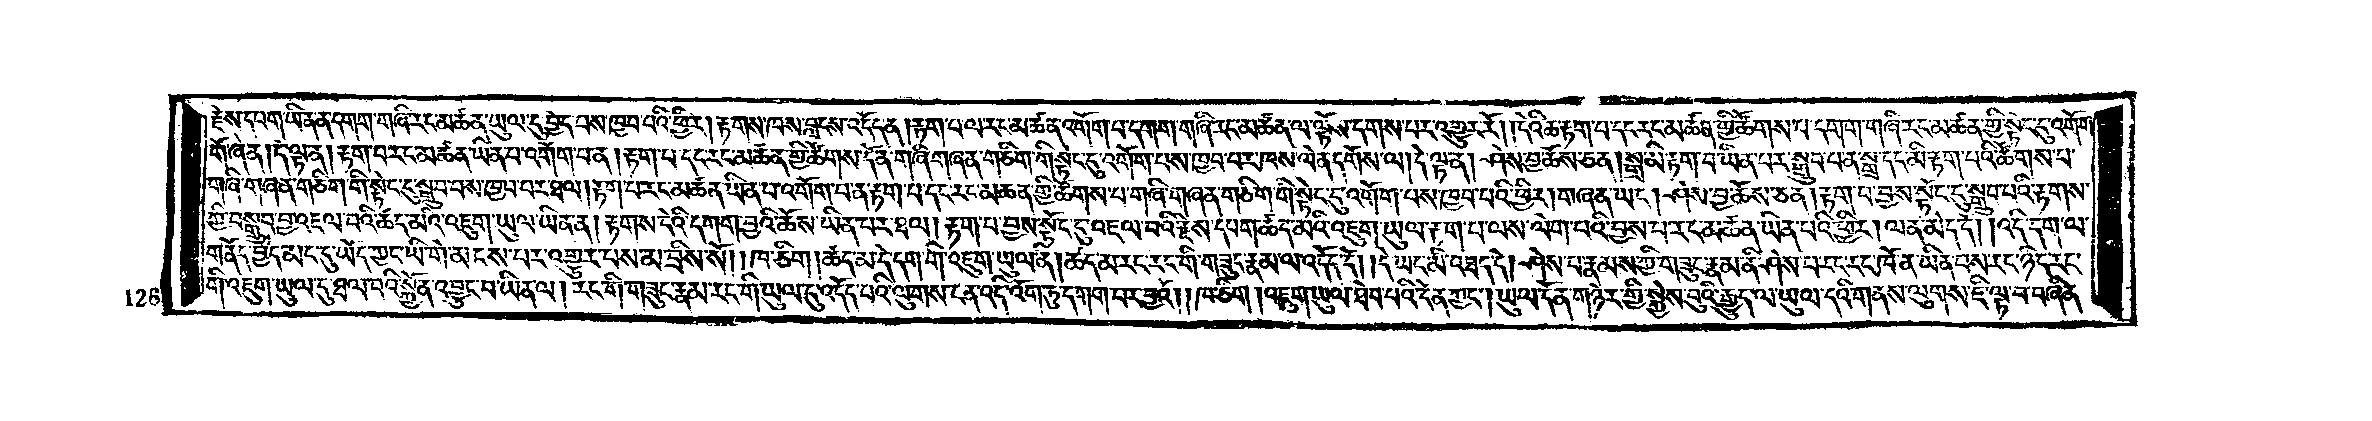རྗེས་དཔག་ཡིན་ན་དགག་གཞི་རང་མཚན་ཡུལ་དུ་བྱེད་པས་ཁྱབ་པའི་ཕྱིར། རྟགས་ཁས་བླངས་འདོད་ན། རྟག་པ་ལ་རང་མཚན་འགོག་པ་དགག་གཞི་རང་མཚན་ལ་ལྟོས་དགས་པར་འགྱུར་རོ། །དེའི་ཆ་རྟག་པ་དང་རང་མཚན་གྱི་ཚོགས་པ་དགག་གཞི་རང་མཚན་གྱི་སྟེང་དུ་འགོག་
གཞན། དེ་ལྟ་ན། རྟག་པ་རང་མཚན་ཡིན་པ་འགོག་པ་ན། རྟག་པ་དང་རང་མཚན་གྱི་ཚོགས་དོན་གཞི་གཞན་གཅིག་གི་སྟེང་དུ་འགོག་པས་ཁྱབ་པར་ཁས་ལེན་དགོས་ལ། དེ་ལྟ་ན། ཤེས་བྱ་ཆོས་ཅན། སྒྲ་མི་རྟག་པ་ཡིན་པར་སྒྲུབ་པ་ན་སྒྲ་དང་མི་རྟག་པའི་ཚོགས་པ་
གཞི་གཞན་གཅིག་གི་སྟེང་དུ་སྒྲུབ་པས་ཁྱབ་པར་ཐལ། རྟག་པ་རང་མཚན་ཡིན་པ་འགོག་པ་ན་རྟག་པ་དང་རང་མཚན་གྱི་ཚོགས་པ་གཞི་གཞན་གཅིག་གི་སྟེང་དུ་འགོག་པས་ཁྱབ་པའི་ཕྱིར། གཞན་ཡང་། ཤེས་བྱ་ཆོས་ཅན། རྟག་པ་བྱས་སྟོང་དུ་སྒྲུབ་པའི་རྟགས་
ཀྱི་བསྒྲུབ་བྱ་འཇལ་བའི་ཚད་མའི་འཇུག་ཡུལ་ཡིན་ན། རྟགས་དེའི་དགག་བྱའི་ཆོས་ཡིན་པར་ཐལ། རྟག་པ་བྱས་སྟོང་དུ་འཇལ་བའི་རྗེས་དཔག་ཚད་མའི་འཇུག་ཡུལ་རྟག་པ་ལས་ལེག་པའི་བྱས་པ་རང་མཚན་ཡིན་པའི་ཕྱིར། ལན་མེད་དེ། །འདི་དག་ལ་
གནོད་བྱེད་མང་དུ་ཡོད་ཀྱང་ཡི་གེ་མངས་པར་འགྱུར་པས་མ་བྲིས་སོ། །ཁ་ཅིག །ཚད་མ་དེ་དག་གི་འཇུག་ཡུལ་ནི། ཚད་མ་རང་རང་གི་གཟུང་རྣམ་ལ་འདོད་དོ། །དེ་ཡང་མི་འཐད་དེ། ཤེས་པ་རྣམས་ཀྱི་གཟུང་རྣམ་ནི་ཤེས་པ་རང་རང་ཁོ་ན་ཡིན་པས་རང་ཉིད་རང་
གི་འཇུག་ཡུལ་དུ་ཐལ་བའི་སྐྱོན་འབྱུང་བ་ཡིན་ལ། རང་གི་གཟུང་རྣམ་རང་གི་ཡུལ་དུ་འདོད་པའི་ལུགས་ངན་འདི་འོག་ཏུ་དགག་པར་བྱའི། །ཁ་ཅིག །འཇུག་ཡུལ་ཐོབ་པའི་དོན་ཀྱང་། ཡུལ་དོན་གཉེར་གྱི་སྐྱེས་བུའི་རྒྱུད་ལ་ཡུལ་དེའི་གནས་ལུགས་ཇི་ལྟ་བ་བཞིན་